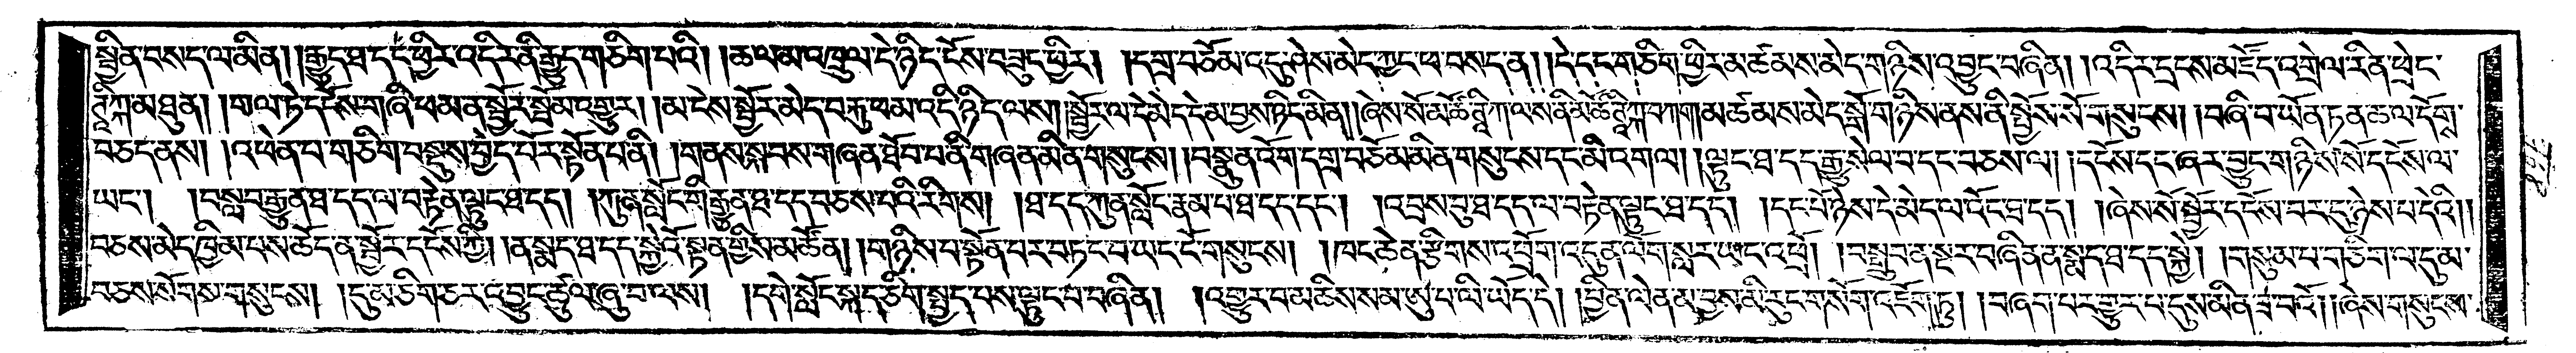སྦྱིན་བསད་ལ་མིན། །རྒྱུད་ཐ་དང་ཕྱིར་འདིར་ནི་རྒྱུད་གཅིག་པའི། །ཆ་ལམ་འཁྲུལ་དེ་ཉིད་ངོས་བཟུང་ཕྱིར། །དགྲ་བཅོམ་འདུ་ཤེས་མེད་ཀྱང་ཕ་བསད་ན། །དེ་དང་གཅིག་ཕྱིར་མཚམས་མེད་གཉིས་འབྱུང་བཞིན། །འདིར་དྲངས་མཛོད་ལ་འགྲེལ་རིན་ཕྲེང་
ཊཱིཀྐ་མཐུན། །གལ་ཏེ་དངོས་གཞི་ཕམ་ན་སྦྱོར་སྦོམ་འགྱུར། །མ་ངེས་སྦྱོར་མེད་བརྐུ་ཕམ་འདི་ཉིད་ལས། །སྦྱོར་ལ་དེ་མེད་དེ་མ་བྱས་ཉིད་མིན། །ཞེས་སོ་མཚོ་ཊཱིཀ་ལས་ནི་མཚོ་ཊཱིཀྐ་བཀག་མཚམས་མེད་སྒོ་གཉིས་ནས་ནི་སྤྱོངས་སོ་གསུངས། །བཞི་པ་ཡོན་ཏན་ཆ་ལ་དོགས་
བཅད་ནས། །འཕེན་པ་གཅིག་བསྡུས་བྱེད་པོར་སྟོན་པ་ནི། །གནས་སྐབས་གཞན་ཐོབ་པ་ནི་གཞན་མིན་གསུངས། །བསྣུན་འོག་དགྲ་བཅོས་མིན་གསུངས་དང་མིང་གལ། །ལྟུང་ཐ་དད་རྒྱུ་སེལ་བ་དང་བཅས་ལ། །དངོས་དང་ཞར་བྱུང་གཉིས་སོ་དངོས་ལ་
ཡང་། །བསླབ་རྒྱུན་ཐ་དད་ལ་བརྟེན་ལྟུང་ཐ་དད། །ཀུན་སློང་གི་རྒྱུན་ཐ་དད་བཅས་པའི་རིགས། །ཐ་དད་ཀུན་སློང་རྣམ་པ་ཐ་དད་དང་། །འབྲས་བུ་ཐ་དད་ལ་བརྟེན་ལྟུང་ཐ་དད། །དང་པོ་ཉེས་དེ་མེད་ལ་འོང་ཐ་དད། །ཞེས་སོ་སྦྱོར་དངོས་བར་དུ་ཉེས་པ་དེའི།།
བཅས་མེད་ཁྱིམ་པས་ཆོད་ན་སྦྱོར་དངོས་ཀྱི། །ན་སྨད་ཐ་དད་སྐྱེའོ་སྟན་གྱིས་མཚོན། །གཉིས་པ་སྟོན་པར་བཏང་བ་ཡང་ངོ་གསུངས། །ཁང་ཆེན་རྩིགས་འཕྲོག་འདུན་ལོག་སླར་ཡང་འཕྲོ། །བསྒྲུབ་ན་སྔར་བཞིན་ན་སྨད་ཐ་དད་སྐྱེ། །གསུམ་པ་གཅིག་ལ་དུ་མ་
བཅས་སོགས་གསུངས། །དུ་མ་ཅིག་ཅར་འབྱུང་ཚུལ་ཞུབ་ལས། །དགེ་སློང་སྐད་ཅིག་སྤྱད་པས་ལྟུང་བ་བཞིན། །འགྱུར་བ་མཆིས་སམ་ཨུ་པ་ལི་ཡོད་དེ། །བྱིན་ལེན་མ་བྱས་མི་རུང་གསོག་འཇོག་ཏུ། །བཞག་པར་གྱུར་པ་དུས་མིན་ཟ་བའོ། །ཞེས་གསུངས་